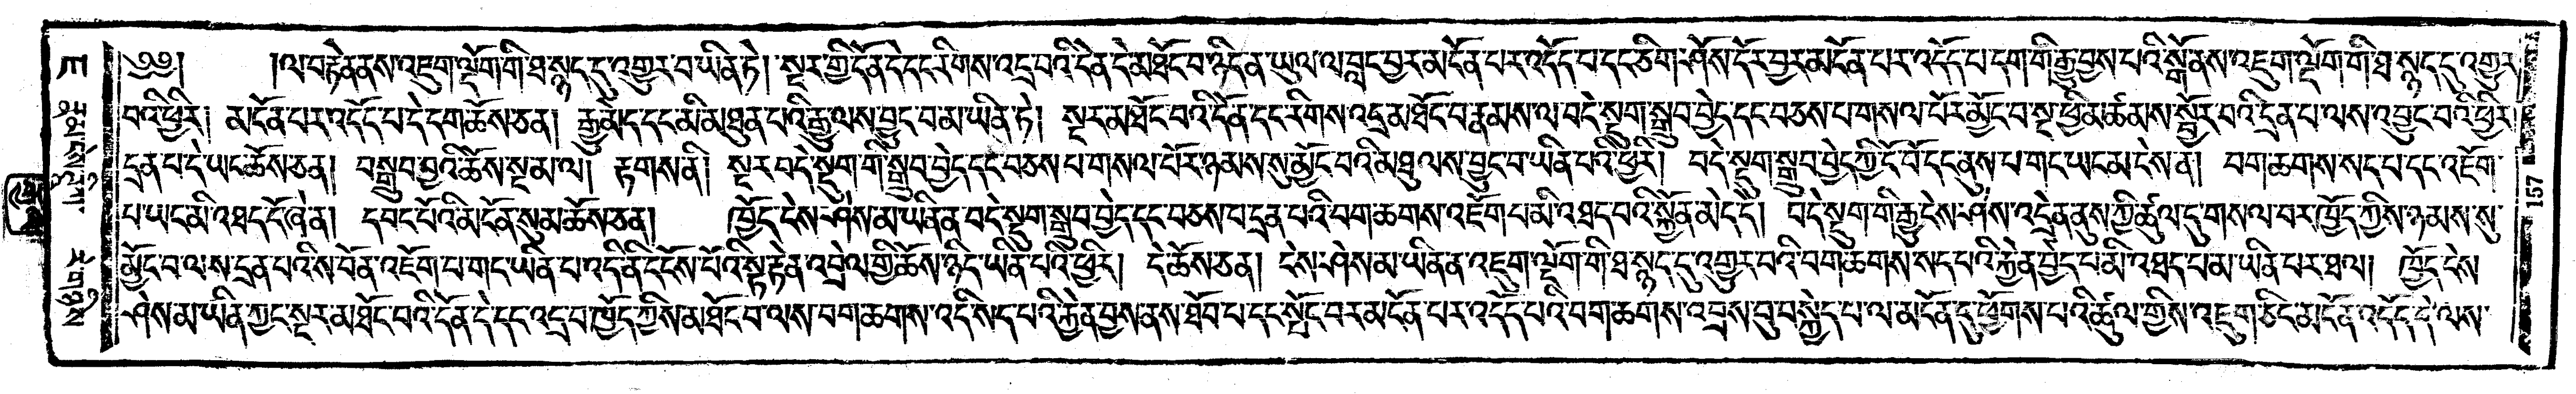༄༅། །ལ་བརྟེན་ནས་འཇུག་ལྡོག་གི་ཐ་སྙད་དུ་འགྱུར་བ་ཡིན་ཏེ། སྔར་གྱི་དོན་དེ་དང་རིགས་འདྲ་བའི་དེན་དེ་མཐོང་བ་ཉིད་ན་ཡུལ་ལ་བླང་བྱར་མངོན་པར་འདོད་པ་དང་ཅིག་ཤོས་དོར་བྱར་མངོན་པར་འདོད་པ་དག་གི་རྒྱུ་བྱས་པའི་སྒོ་ནས་འཇུག་ལྡོག་གི་ཐ་སྙད་དུ་འགྱུར་
བའི་ཕྱིར། མངོན་པར་འདོད་པ་དེ་དག་ཆོས་ཅན། རྒྱུ་མེད་དང་མི་མཐུན་པའི་རྒྱུ་ལས་བྱུང་བ་མ་ཡིན་ཏེ། སྔར་མཐོང་བའི་དོན་དང་རིགས་འདྲ་མཐོང་བ་རྣམས་ལ་བདེ་སྡུག་སྒྲུབ་བྱེད་དང་བཅས་པ་གསལ་པོར་མྱོང་བ་སྔ་ཕྱི་མཚམས་སྦྱོར་བའི་དྲན་པ་ལས་འབྱུང་བའི་ཕྱིར།
དྲན་པ་དེ་ཡང་ཆོས་ཅན། བསྒྲུབ་བྱའི་ཆོས་སྔ་མ་ལ། རྟགས་ནི། སྔར་བདེ་སྡུག་གི་སྒྲུབ་བྱེད་དང་བཅས་པ་གསལ་པོར་ཉམས་སུ་མྱོང་བའི་མཐུ་ལས་བྱུང་བ་ཡིན་པའི་ཕྱིར། བདེ་སྡུག་སྒྲུབ་བྱེད་ཀྱི་ངོ་བོ་དང་ནུས་པ་གང་ཡང་མ་ངེས་ན། བག་ཆགས་སད་པ་དང་འཇོག་
པ་ཡང་མི་འཐད་དོ་ཞེ་ན། དབང་པོའི་མངོན་སུམ་ཆོས་ཅན། ཁྱོད་ངེས་ཤེས་མ་ཡིན་ན་བདེ་སྡུག་སྒྲུབ་བྱེད་དང་བཅས་པ་དྲན་པའི་བག་ཆགས་འཇོག་པ་མི་འཐད་པའི་སྐྱོན་མེད་དེ། བདེ་སྡུག་གི་རྒྱུ་ངེས་ཤེས་འདྲེན་ནུས་ཀྱི་ཚུལ་དུ་གསལ་བར་ཁྱོད་ཀྱིས་ཉམས་སུ་
མྱོང་བ་ལས་དྲན་པའི་ས་བོན་འཇོག་པ་གང་ཡིན་པ་འདི་ནི་དངོས་པོའི་སྟ་རྟེན་འབྲེལ་གྱི་ཆོས་ཉིད་ཡིན་པའི་ཕྱིར། དེ་ཆོས་ཅན། ངེས་ཤེས་མ་ཡིན་ན་འཇུག་ལྡོག་གི་ཐ་སྙད་དུ་འགྱུར་བའི་བག་ཆགས་སད་པའི་རྐྱེན་བྱེད་པ་མི་འཐད་པ་མ་ཡིན་པར་ཐལ། ཁྱོད་ངེས་
ཤེས་མ་ཡིན་ཀྱང་སྔར་མཐོང་བའི་དོན་དེ་དང་འདྲ་བ་ཁྱོད་ཀྱིས་མཐོང་བ་ལས་བག་ཆགས་འདི་སད་པའི་རྐྱེན་བྱས་ནས་ཐོབ་པ་དང་སྤོང་བར་མངོན་པར་འདོད་པའི་བག་ཆགས་འབྲས་བུ་བསྐྱེད་པ་ལ་མངོན་དུ་ཕྱོགས་པའི་ཚུལ་གྱིས་འཇུག་ཅིང་མངོན་འདོད་དེ་ལས་